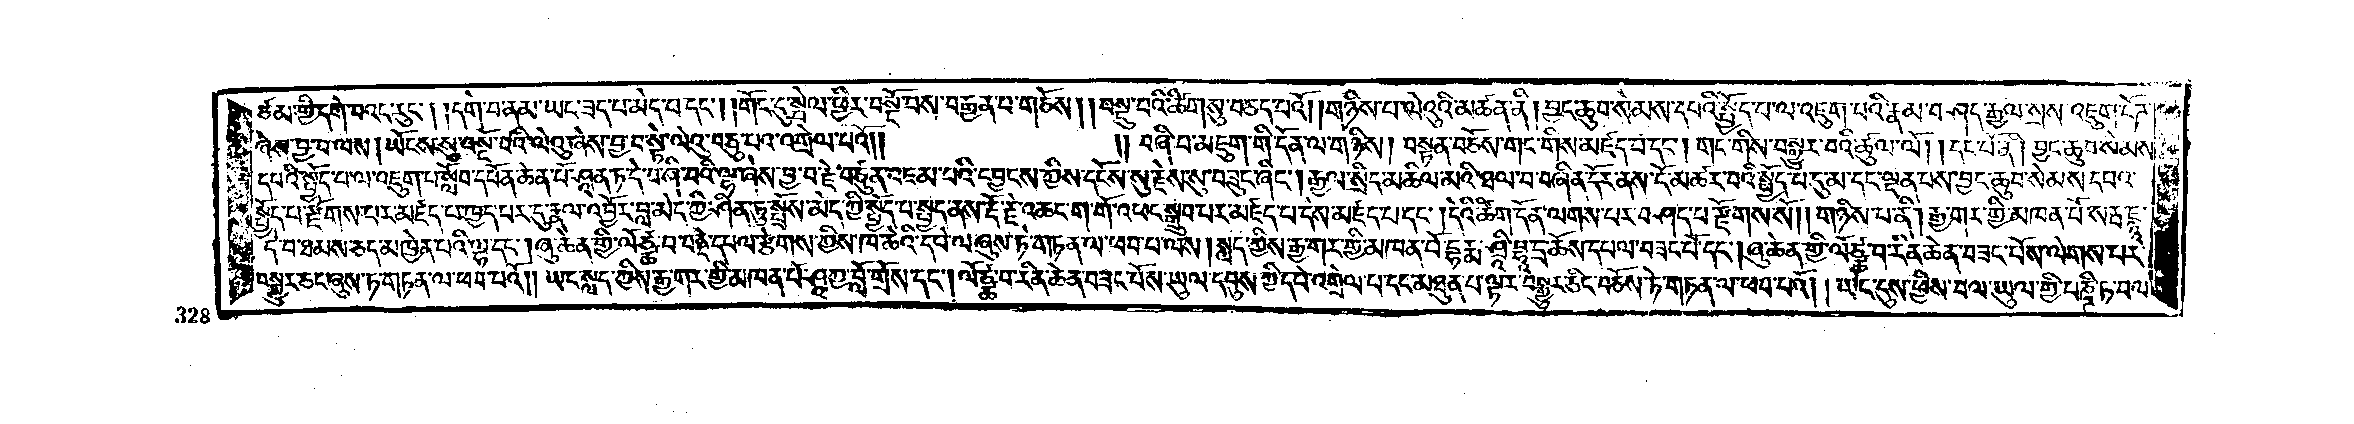ཙམ་གྱི་དགེ་བའང་རུང་། །དགེ་བ་ནམ་ཡང་ཟད་པ་མེད་པ་དང་། །གོང་དུ་སྤེལ་ཕྱིར་བསྔོ་བས་བརྒྱན་པ་གཅོས། །བསྡུ་བའི་ཚིགས་སུ་བཅད་པའོ། །གཉིས་པ་ལེའུའི་མཚན་ནི། བྱང་ཆུབ་སེམས་དཔའི་སྤྱོད་པ་ལ་འཇུག་པའི་རྣམས་བཤད་རྒྱལ་སྲས་འཇུག་ངོགས་
ཞེས་བྱ་བ་ལས། ཡོངས་སུ་བསྔོ་བའི་ལེའུ་ཞེས་བྱ་བ་སྟེ་ལེའུ་བཅུ་པའི་འགྲེལ་པའོ།། །།བཞི་པ་མཇུག་གི་དོན་ལ་གཉིས། བསྟན་བཅོས་གང་གིས་མཛད་པ་དང་། གང་གིས་བསྒྱུར་བའི་ཚུལ་ལོ། །དང་པོ་ནི། བྱང་ཆུབ་སེམས་
དཔའི་སྤྱོད་པ་ལ་འཇུག་པ་སློབ་དཔོན་ཆེན་པོ་ཤཱན་ཏ་དེ་བ་ཞི་བའི་ལྷ་ཞེས་བྱ་བ་རྗེ་བཙུན་འཇམ་པའི་དབྱངས་ཀྱིས་དངོས་སུ་རྗེས་སུ་བཟུང་ཞིང་། རྒྱལ་སྲིད་མཆིལ་མའི་ཐལ་བ་བཞིན་དོར་ནས་དོ་མཚར་བའི་སྤྱོད་པ་དུ་མ་དང་ལྡན་པས་བྱང་ཆུབ་སེམས་དཔའ་
སྤྱོད་པ་རྫོགས་པར་མཛད་པ་ཁྱད་པར་དུ་རྣལ་འབྱོར་བླ་མེད་ཀྱི་ཤིན་ཏུ་སྤྲོས་མེད་ཀྱི་སྤྱོད་པ་སྤྱད་ནས་རྡོ་རྗེ་འཆང་གི་གོ་འཕང་སྒྲུབ་པར་མཛད་པ་དེས་མཛད་པ་དང་། དེའི་ཚིག་དོན་ལགས་པར་བཤད་པ་རྫོགས་སོ། །གཉིས་པ་ནི། རྒྱ་གར་གྱི་མཁན་པོ་སརབ་ཛྙཱ་
དེ་བ་ཐམས་ཅད་མཁྱེན་པའི་ལྷ་དང་། ཞུ་ཆེན་གྱི་ལོཙཚ་བ་བནདེ་དཔལ་རྩེགས་ཀྱིས་ཁ་ཆེའི་དཔེ་ལ་ཞུས་ཏེ་གཏན་ལ་ཕབ་པ་ལས། སླད་ཀྱིས་རྒྱ་གར་གྱི་མཁན་པོ་དྷ་རྨ་ཤྲཱ་དྲ་ཆོས་དཔལ་བཟང་པོ་དང་། ཞུ་ཆེན་གྱི་ལོ་ཙྪ་བ་རིན་ཆེན་བཟང་པོས་ལེགས་པར་
བསྒྱུར་ཅད་ཞུས་ཏ་གཏན་ལ་ཕབ་པའོ། །ཡང་སླད་ཀྱིས་རྒྱ་གར་གྱི་མཁན་པོ་ཤཱཀྱ་བློ་གྲོས་དང་། ལོ་ཙྪ་བ་རིན་ཆེན་བཟང་པོས་ཡུལ་དབུས་ཀྱི་དཔེ་འགྲེལ་པ་དང་མཐུན་པ་ལྟར་བསྒྱུར་ཅིང་བཅོས་ཏེ་གཏན་ལ་ཕབ་པའོ། །ཡང་དུས་ཕྱིས་བ་ལ་ཡུལ་གྱི་པཎཌི་ཏ་བལ་